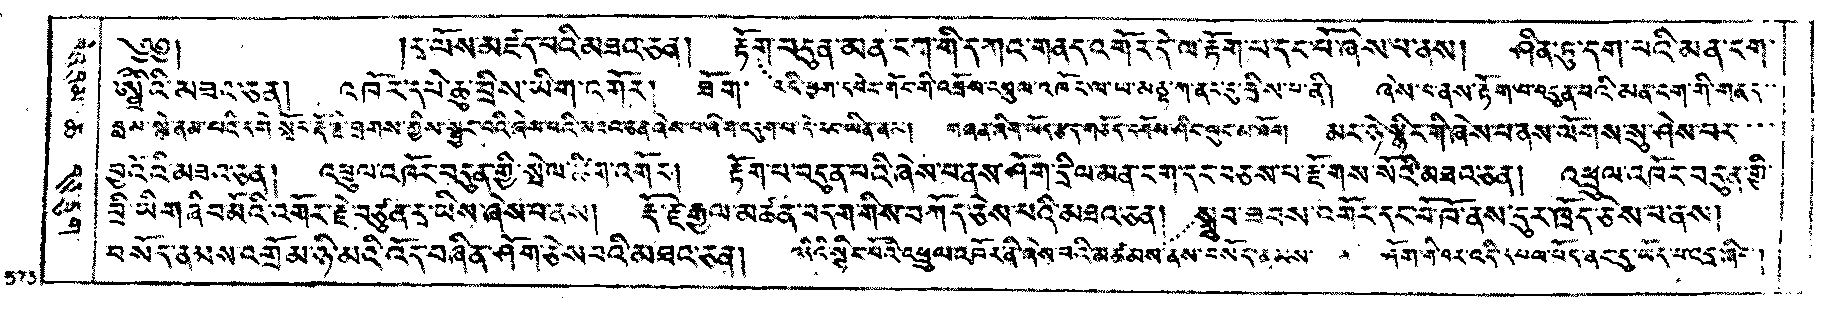༄༅། །རྭ་ལོས་མཛད་པའི་མཐའ་ཅན། རྟོག་བདུན་མན་ངག་གི་དཀའ་གནད་འགོར་དེ་ལ་རྟོག་པ་དང་པོ་ཞེས་པ་ནས། ཤིན་ཏུ་དག་པའི་མན་ངག་
ཨྀཐིའི་མཐའ་ཅན། འཁོར་དཔེ་ཆུ་བྲིས་ཡིག་འགོར། ཐོག་འདི་ཕྱག་དཔེར་གོང་གི་འཕྲོས་འཕྲུལ་འཁོར་ལ་ཡ་མནྟ་ཀ་ནང་དུ་བྲིས་པ་ནི། ཞེས་པ་ནས་རྟོག་པ་བདུན་པའི་མན་ངག་གི་གནད་
བླ་མ་སྙེ་ནམ་པའི་དགེ་སློང་རྡོ་རྗེ་གྲགས་ཀྱིས་སྦྱར་བའི་ཞེས་པའི་མཐའ་ཅན་ཞེས་པ་ཞིག་འདུག་པ་དེ་རང་ཡིན་ནམ། གཞན་ཞིག་ཡོད་རྩད་གཅོད་དགོས་ཤིང་ལུང་མ་ཐོབ། མར་ཉེ་སྙིང་གི་ཞེས་པ་ནས་ལོགས་སུ་ཤེས་པར་
བྱའོའི་མཐའ་ཅན། འཕྲུལ་འཁོར་བདུན་གྱི་སྤེལ་ཚིག་འགོར། རྟོག་པ་བདུན་པའི་ཞེས་པ་ནས་ཤོག་དྲིལ་མན་ངག་དང་བཅས་པ་རྫོགས་སོའི་མཐའ་ཅན། འཕྲུལ་འཁོར་བདུན་གྱི་
བྲི་ཡིག་ཞིབ་མོའི་འགོར་རྗེ་བཙུན་རྭ་ཡིས་ཞེས་པ་ནས། རྡོ་རྗེ་རྒྱལ་མཚན་བདག་གིས་བཀོད་ཅེས་པའི་མཐའ་ཅན། སྒྲུབ་ཐབས་འགོར་དང་པོ་ཁོ་ནས་དུར་ཁྲོད་ཅེས་པ་ནས།
བསོད་ནམས་འགྲོ་མ་ཉེ་མའི་འོད་བཞིན་ཤོག་ཅེས་པའི་མཐའ་ཅན། འདིའི་སྙིང་པོའི་འཕྲུལ་འཁོར་ནི་ཞེས་པའི་མཚམས་ནས་བསོད་ནམས་྾་ཤོག་གི་བར་འདི་དཔལ་པོད་ནང་དུ་ཡོད་པ་འདྲ་ཞིང་།